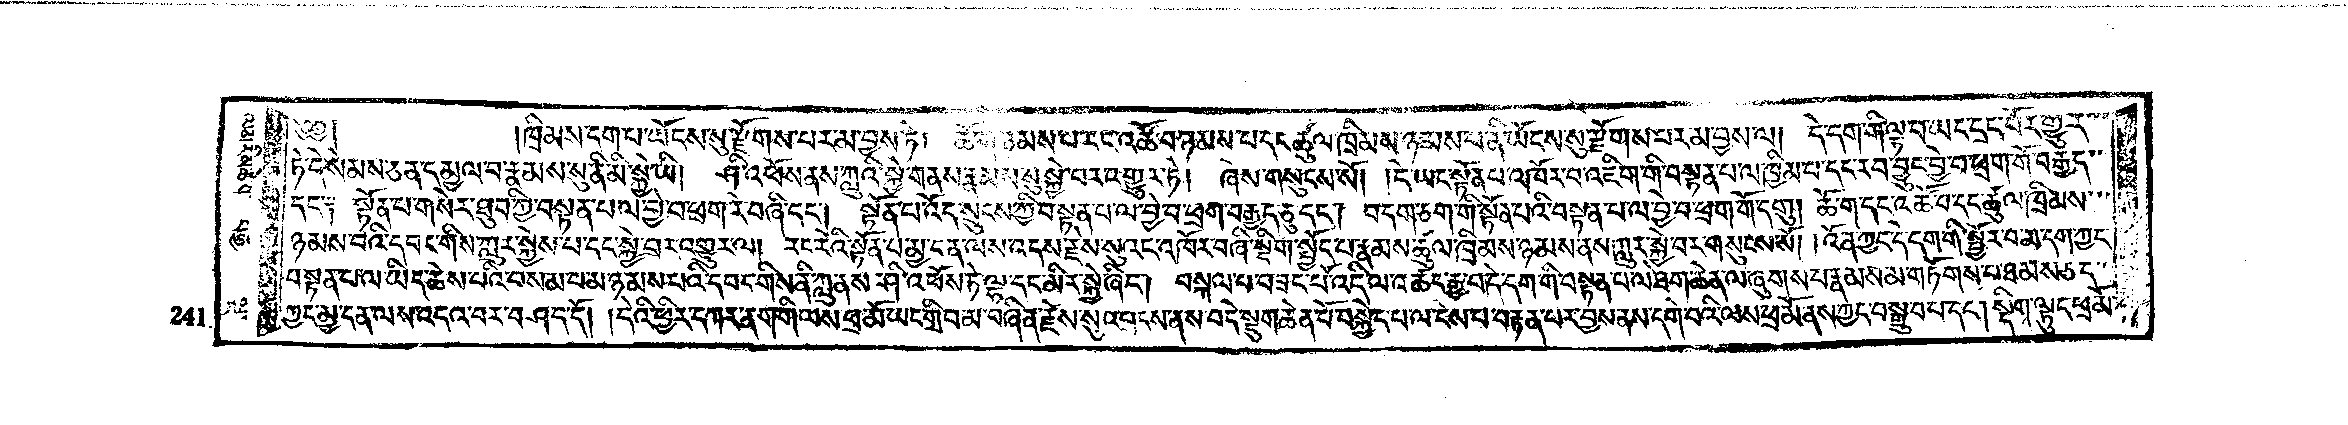༄༅། །ཁྲིམས་དག་པ་ཡོངས་སུ་རྫོགས་པར་མ་བྱས་ཏེ། ཆོ་ག་ཉམས་པ་དང་འཚོ་བ་ཉམས་པ་དང་ཚུལ་ཁྲིམས་ཉམས་པ་ནི་ཡོངས་སུ་རྫོགས་པར་མ་བྱས་ལ། དེ་དག་གི་ལྟ་བ་ཡང་དྲང་པོར་གྱུར་
ཏེ་དེ་སེམས་ཅན་དམྱལ་བ་རྣམས་སུ་ནི་མི་སྐྱེ་ཡི། ཤི་འཕོས་ནས་ཀླུའི་སྐྱེ་གནས་རྣམས་སུ་སྐྱེ་བར་འགྱུར་ཏེ། ཞེས་གསུངས་སོ། །དེ་ཡང་སྟོན་པ་འཁོར་བ་འཇིག་གི་བསྟན་པ་ལ་ཁྱིམ་པ་དང་རབ་བྱུང་བྱེ་བ་ཕྲག་གོ་བརྒྱད་
དང༑ སྟོན་པ་གསེར་ཐུབ་ཀྱི་བསྟན་པ་ལ་བྱེ་བ་ཕྲག་རེ་བཞི་དང་། སྟོན་པ་འོད་སྲུངས་ཀྱི་བསྟན་པ་ལ་བྱེ་བ་ཕྲག་བརྒྱད་ཅུ་དང་། བདག་ཅག་གི་སྟོན་པའི་བསྟན་པ་ལ་བྱེ་བ་ཕྲག་གོ་དགུ། ཆོ་ག་དང་འཚོ་བ་དང་ཚུལ་ཁྲིམས་
ཉམས་པའི་དབང་གིས་ཀླུར་སྐྱེས་པ་དང་སྐྱེ་བར་འགྱུར་ལ། རང་རེའི་སྟོན་པ་མྱ་ངན་ལས་འདས་རྗེས་སུའང་འཁོར་བཞི་སྡིག་སྤྱོད་པ་རྣམས་ཚུལ་ཁྲིམས་ཉམས་ནས་ཀླུར་སྐྱེ་བར་གསུངས་སོ། །འོན་ཀྱང་དེ་དག་གི་སྦྱོར་བ་མ་དག་ཀྱང་
བསྟན་པ་ལ་ཡིད་ཆེས་པའི་བསམ་པ་མ་ཉམས་པའི་དབང་གིས་ནི་ཀླུ་ནས་ཤི་འཕོས་ཏེ་ལྷ་དང་མིར་སྐྱེ་ཞིང་། བསྐལ་པ་བཟང་པོ་འདི་ལ་འཚང་རྒྱ་བ་དེ་དག་གི་བསྟན་པ་ལ་ཐེག་ཆེན་ལ་ཞུགས་པ་རྣམས་མ་གཏོགས་པ་ཐམས་ཅད་
ཀྱང་མྱ་ངན་ལས་འདའ་བར་བཤད་དོ། །དེའི་ཕྱིར་དཀར་ནག་གི་ལས་ཕྲ་མོ་ཡང་གྲིབ་མ་བཞིན་རྗེས་སུ་འབྲངས་ནས་བདེ་སྡུག་ཆེན་པོ་བསྐྱེད་པ་ལ་ངེས་པ་བརྟན་པར་བྱས་ནས་དགེ་བའི་ལས་ཕྲ་མོ་ནས་ཀྱང་བསྒྲུབ་པ་དང་། སྡིག་ལྟུང་ཕྲ་མོ་